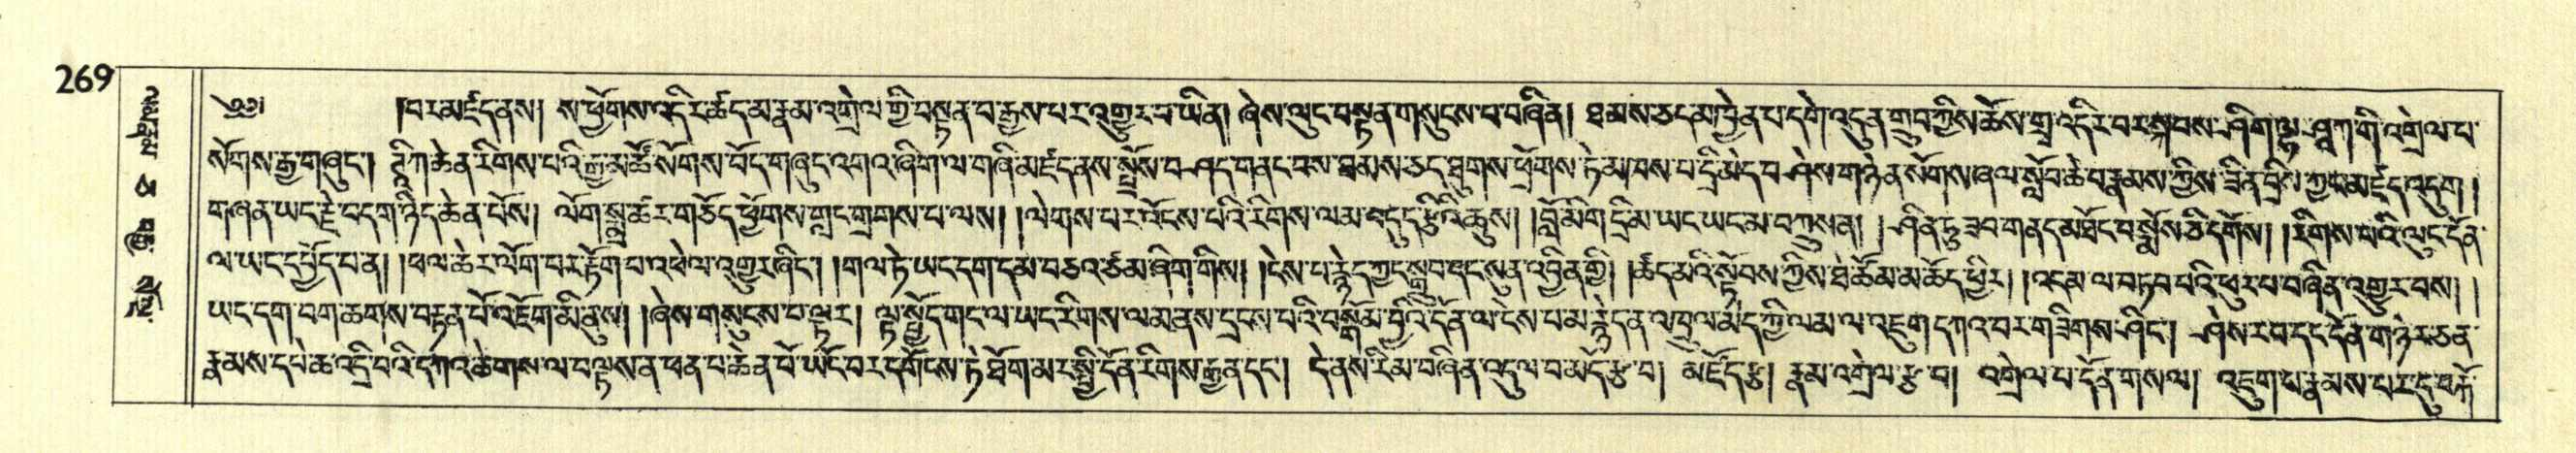༄༅། །བར་མཛད་ནས། ས་ཕྱོགས་འདིར་ཚད་མ་རྣམ་འགྲེལ་གྱི་བསྟན་བ་རྒྱས་པར་འགྱུར་བ་ཡིན། ཞེས་ལུང་བསྟན་གསུངས་པ་བཞིན། ཐམས་ཅད་མཁྱེན་པ་དགེ་འདུན་གྲུབ་ཀྱིས་ཆོས་གྲྭ་འདིར་བར་སྐབས་ཤིག་ལྷ་ཤཱཀ་གི་འགྲེལ་པ་
སོགས་རྒྱ་གཞུང་། ཊཱིཀ་ཆེན་རིགས་པའི་རྒྱ་མཚོ་སོགས་བོད་གཞུང་འགའ་ཞིག་ལ་གཞི་མཛད་ནས་སྤྲོས་བཤད་གནང་བས་ཐམས་ཅད་ཐུགས་ཕྲོགས་ཏེ་མཁས་པ་དྲི་མེད་བཤེས་གཉེན་སོགས་ཞལ་སློབ་ཆེ་བ་རྣམས་ཀྱིས་ཟིན་བྲིས་ཀྱང་མཛད་འདུག །
གཞན་ཡང་རྗེ་བདག་ཉིད་ཆེན་པོས། ལོག་སྨྲ་ཚར་གཅོད་ཕྱོགས་གླང་གྲགས་པ་ལས། །ལེགས་པར་འོངས་པའི་རིགས་ལམ་བདུད་རྩིའི་ཆུས། །བློ་མིག་དྲི་མ་ཡང་ཡང་མ་བཀྲུས་ན། །ཤིན་ཏུ་ཟབ་གནད་མཐོང་བ་སྨོས་ཅི་དགོས། །རིགས་པའི་ལུང་དོན་
ལ་ཡང་དཔྱོད་པ་ན། །ཕལ་ཆེར་ལོག་པར་རྟོག་པ་འཕེལ་འགྱུར་ཞིང་། །གལ་ཏེ་ཡང་དག་དམ་བཅའ་ཙམ་ཞིག་གིས། །ངེས་པ་རྙེད་ཀྱང་སྒྲུབ་དང་སུན་འབྱིན་གྱི། །ཚད་མའི་སྟོབས་ཀྱིས་ཐེ་ཚོམ་མཆོད་ཕྱིར། །འདམ་ལ་བཏབ་པའི་ཕུར་པ་བཞིན་འགྱུར་བས། །
ཡང་དག་བག་ཆགས་བརྟན་པོ་འཇོག་མི་ནུས། །ཞེས་གསུངས་པ་ལྟར། ལྟ་སྤྱོད་གང་ལ་ཡང་རིགས་ལམ་ནས་དྲངས་པའི་བསྒོམ་བྱའི་དོན་ལ་ངེས་པ་མ་རྙེད་ན་འཁྲུལ་མེད་ཀྱི་ལམ་ལ་འཇུག་དཀའ་བར་གཟིགས་ཤིང་། ཤེས་རབ་དང་དོན་གཉེར་ཅན་
རྣམས་དཔེ་ཆ་འདྲི་བའི་དཀའ་ཆེ་གས་ལ་བལྟས་ན་ཕན་པ་ཆེན་པོ་ཡོང་བར་དགོངས་ཏེ་ཐོག་མར་སྤྱི་དོན་རིགས་རྒྱན་དང་། དེ་ནས་རིམ་བཞིན་འདུལ་བ་མོད་རྩ་བ། མཛོད་རྩ། རྣམ་འགྲེལ་རྩ་བ། འགྲེལ་པ་དོན་གསལ། འཇུག་པ་རྣམས་པར་དུ་བརྐོ་